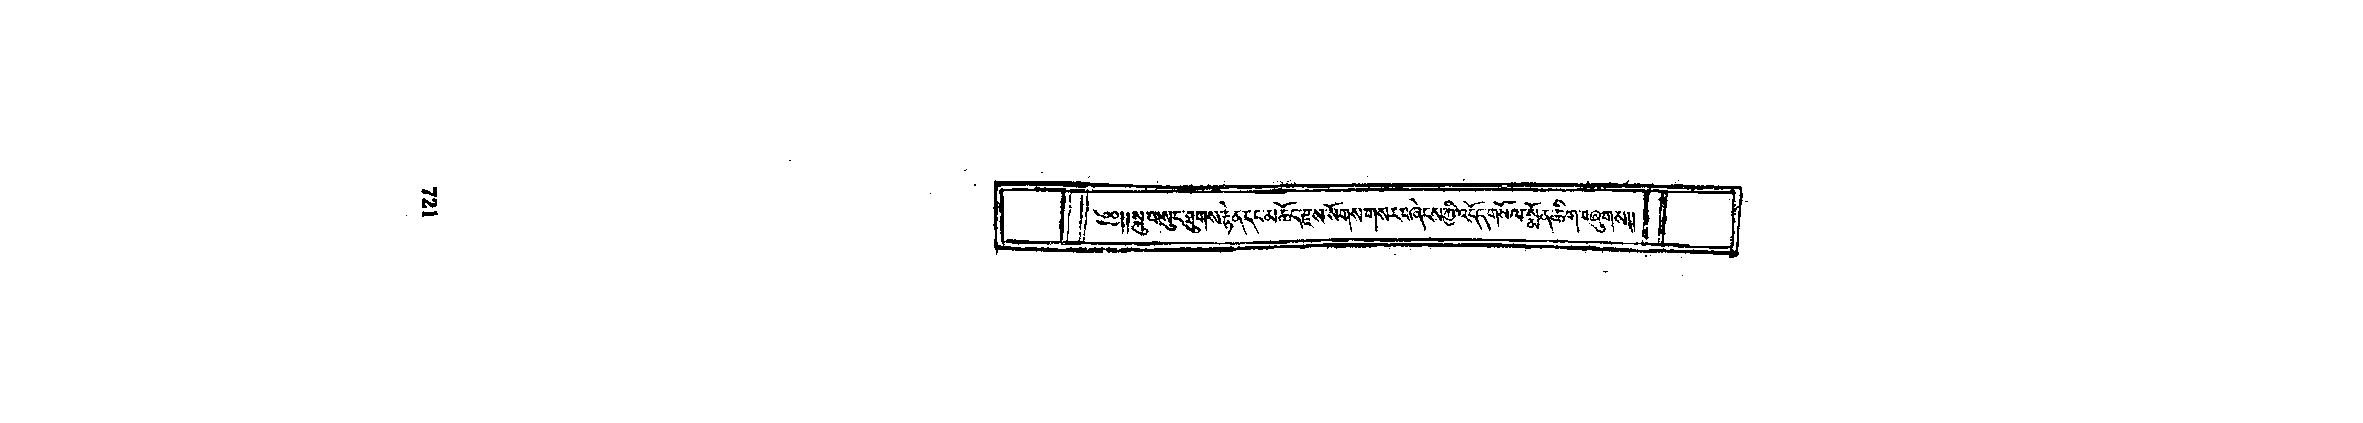༄༅། །སྐུ་གསུང་ཐུགས་རྟེན་དང་མཆོད་རྫས་སོགས་གསར་བཞེངས་ཀྱི་འདོད་གསོལ་སྨོན་ཚིག་བཞུགས། །